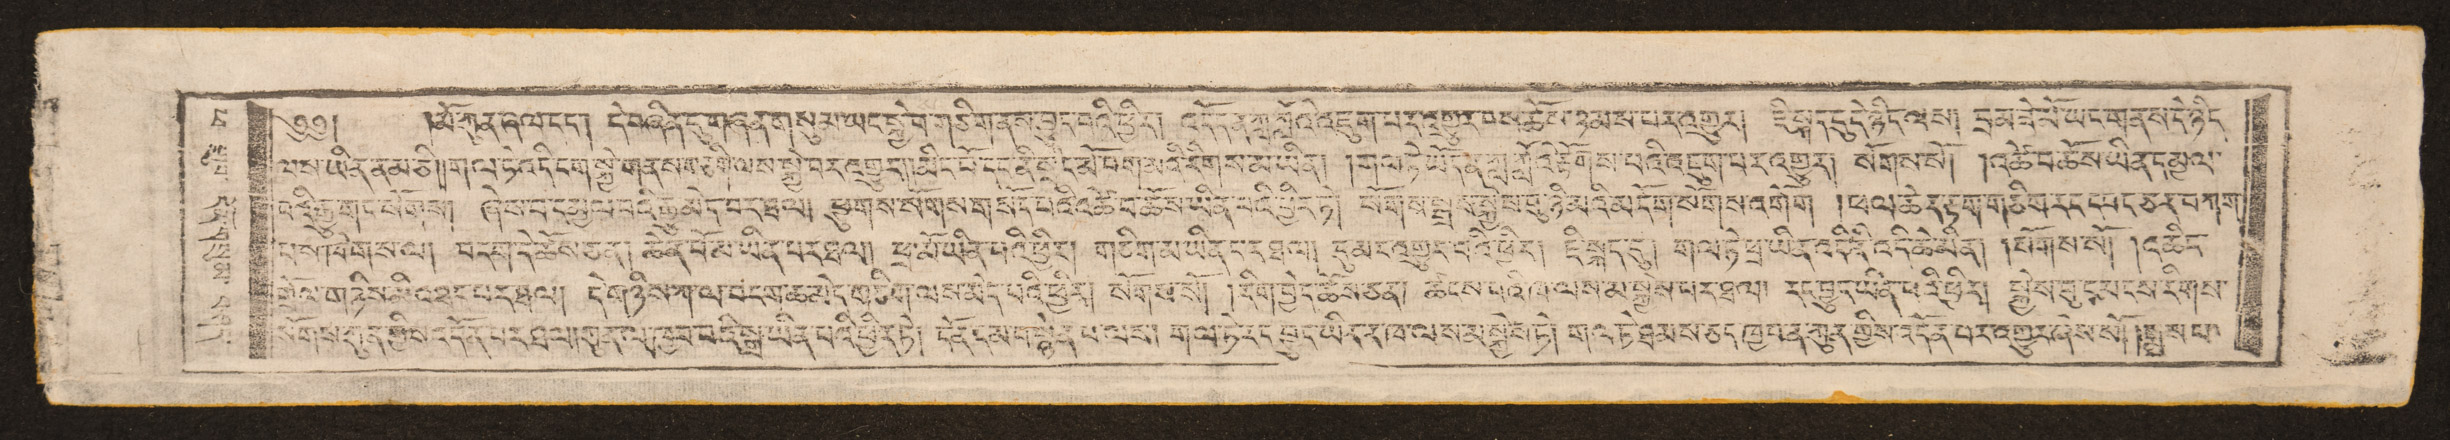༄༅། །མོ་ཀུན་ཞལ་དང་། དེ་བཞིན་དུ་གཞན་གསུམ་ཡང་སྐྱེ་བ་གཅིག་ནས་བྱུང་བའི་ཕྱིར། འདོད་ན་ཀླ་ཀློའི་འཇུག་པར་འགྱུར་བས་ཆོས་ཉམས་པར་འགྱུར། ཇི་སྐད་དུ་དེ་ཉིད་ལས། བྲམ་ཟེ་མོ་ཡང་གནས་དེ་ཉིད་
ལས་ཡིན་ནམ་ཅི། །གལ་ཏེ་འདི་དག་སྐྱེ་གནས་གཅིག་ལས་སྐྱེ་བར་འགྱུར། །མིང་པོ་དང་ནི་སྲིད་མོ་བག་མའི་རིགས་མ་ཡིན། །གལ་ཏེ་ཡོད་ན་ཀླ་ཀློའི་རྟོགས་པའི་འཇུག་པར་འགྱུར། སོགས་སོ། །འཚེ་བ་ཆོས་ཡིན་དམྱལ་
པའི་རྒྱུ་གང་སོགས། ཞེས་པ་དམྱལ་བའི་རྒྱུ་མེད་པར་ཐལ། ཕྱུགས་སོགས་གསོད་པའི་འཚེ་བ་ཆོས་ཡིན་པའི་ཕྱིར་ཏེ། སོགས་སྒྲས་སྐྱེས་བུ་ཉི་མའི་མདོག་སོགས་འགོག །ཕལ་ཆེར་རྟག་གཅིག་རང་དབང་ཅན་བཀག་
པས་ཁེགས་ལ། བདག་དེ་ཆོས་ཅན། ཆེན་པོ་མ་ཡིན་པར་ཐལ། ཕྲ་མོ་ཡིན་པའི་ཕྱིར། གཅིག་མ་ཡིན་པར་ཐལ། དུ་མར་འགྱུར་པའི་ཕྱིར། ཇི་སྐད་དུ། གལ་ཏེ་ཕྲ་ཡིན་འདི་ནི་འདི་ཆེ་མིན། །སོགས་སོ། །འཆིང་
གྲོལ་གཉིས་མི་འཐད་པར་ཐལ། དེ་གཉིས་ཀ་ལ་བདག་ཆ་མེད་གཅིག་ལས་མེད་པའི་ཕྱིར། སོགས་སོ། །རིག་བྱེད་ཆོས་ཅན། ཚངས་པའི་ཁ་ལས་མ་སྐྱེས་པར་ཐལ། རང་བྱུང་ཡིན་པའི་ཕྱིར། སྐྱེས་བུ་དམངས་རིགས་
སོགས་ཀུན་གྱིས་འདོན་པར་ཐལ། ཀུན་ལ་ཁྱབ་པའི་སྒྲ་ཡིན་པའི་ཕྱིར་ཏེ། དོན་དམ་བསྙེན་པ་ལས། གལ་ཏེ་རང་བྱུང་ཡིན་ན་ཁ་ལས་མ་སྐྱེས་ཏེ། གལ་ཏེ་ཐམས་ཅད་ཁྱབ་ན་ཀུན་གྱིས་འདོན་པར་འགྱུར་ཞེས་སོ། །སྨྲས་པ་